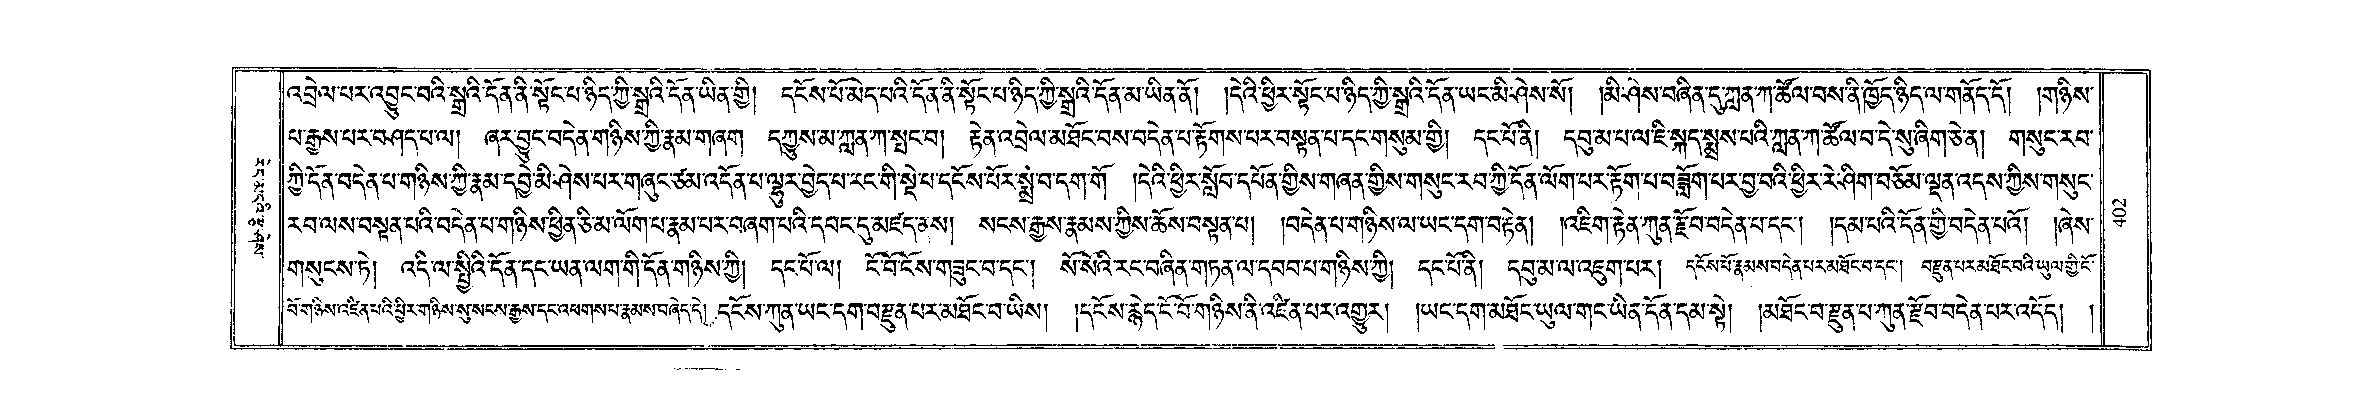འབྲེལ་པར་འབྱུང་བའི་སྒྲའི་དོན་ནི་སྟོང་པ་ཉིད་ཀྱི་སྒྲའི་དོན་ཡིན་གྱི། དངོས་པོ་མེད་པའི་དོན་ནི་སྟོང་པ་ཉིད་ཀྱི་སྒྲའི་དོན་མ་ཡིན་ནོ། །དེའི་ཕྱིར་སྟོང་པ་ཉིད་ཀྱི་སྒྲའི་དོན་ཡང་མི་ཤེས་སོ། །མི་ཤེས་བཞིན་དུ་ཀླན་ཀ་ཚོལ་བས་ནི་ཁྱོད་ཉིད་ལ་གནོད་དོ། །གཉིས་
པ་རྒྱས་པར་བཤད་པ་ལ། ཞར་བྱུང་བདེན་གཉིས་ཀྱི་རྣམ་གཞག་དཀྱུས་མ་ཀླན་ཀ་སྤང་བ། རྟེན་འབྲེལ་མཐོང་བས་བདེན་པ་རྟོགས་པར་བསྟན་པ་དང་གསུམ་གྱི། དང་པོ་ནི། དབུ་མ་པ་ལ་ཇི་སྐད་སྨྲས་པའི་ཀླན་ཀ་ཚོལ་བ་དེ་སུ་ཞིག་ཅེ་ན། གསུང་རབ་
ཀྱི་དོན་བདེན་པ་གཉིས་ཀྱི་རྣམ་དབྱེ་མི་ཤེས་པར་གཞུང་ཙམ་འདོན་པ་ལྷུར་བྱེད་པ་རང་གི་སྡེ་པ་དངོས་པོར་སྨྲ་བ་དག་གོ །དེའི་ཕྱིར་སློབ་དཔོན་གྱིས་གཞན་གྱིས་གསུང་རབ་ཀྱི་དོན་ལོག་པར་རྟོག་པ་བཟློག་པར་བྱ་བའི་ཕྱིར་རེ་ཤིག་བཅོམ་ལྡན་འདས་ཀྱིས་གསུང་
རབ་ལས་བསྟན་པའི་བདེན་པ་གཉིས་ཕྱིན་ཅི་མ་ལོག་པ་རྣམ་པར་བཞག་པའི་དབང་དུ་མཛད་ནས། སངས་རྒྱས་རྣམས་ཀྱིས་ཆོས་བསྟན་པ། །བདེན་པ་གཉིས་ལ་ཡང་དག་བརྟེན། །འཇིག་རྟེན་ཀུན་རྫོབ་བདེན་པ་དང་། །དམ་པའི་དོན་གྱི་བདེན་པའོ། །ཞེས་
གསུངས་ཏེ། འདི་ལ་སྤྱིའི་དོན་དང་ཡན་ལག་གི་དོན་གཉིས་ཀྱི། དང་པོ་ལ། ངོ་བོ་ངོས་གཟུང་བ་དང་། སོ་སོའི་རང་བཞིན་གཏན་ལ་དབབ་པ་གཉིས་ཀྱི། དང་པོ་ནི། དབུ་མ་ལ་འཇུག་པར། དངོས་པོ་རྣམས་བདེན་པར་མཐོང་བ་དང་། བརྫུན་པར་མཐོང་བའི་ཡུལ་གྱི་ངོ་
བོ་གཉིས་འཛིན་པའི་ཕྱིར་གཉིས་སུ་སངས་རྒྱས་དང་འཕགས་པ་རྣམས་བཞེད་དེ། དངོས་ཀུན་ཡང་དག་བརྫུན་པར་མཐོང་བ་ཡིས། །དངོས་རྙེད་ངོ་བོ་གཉིས་ནི་འཛིན་པར་འགྱུར། །ཡང་དག་མཐོང་ཡུལ་གང་ཡིན་དོན་དམ་སྟེ། །མཐོང་བ་རྫུན་པ་ཀུན་རྫོབ་བདེན་པར་འདོད། །